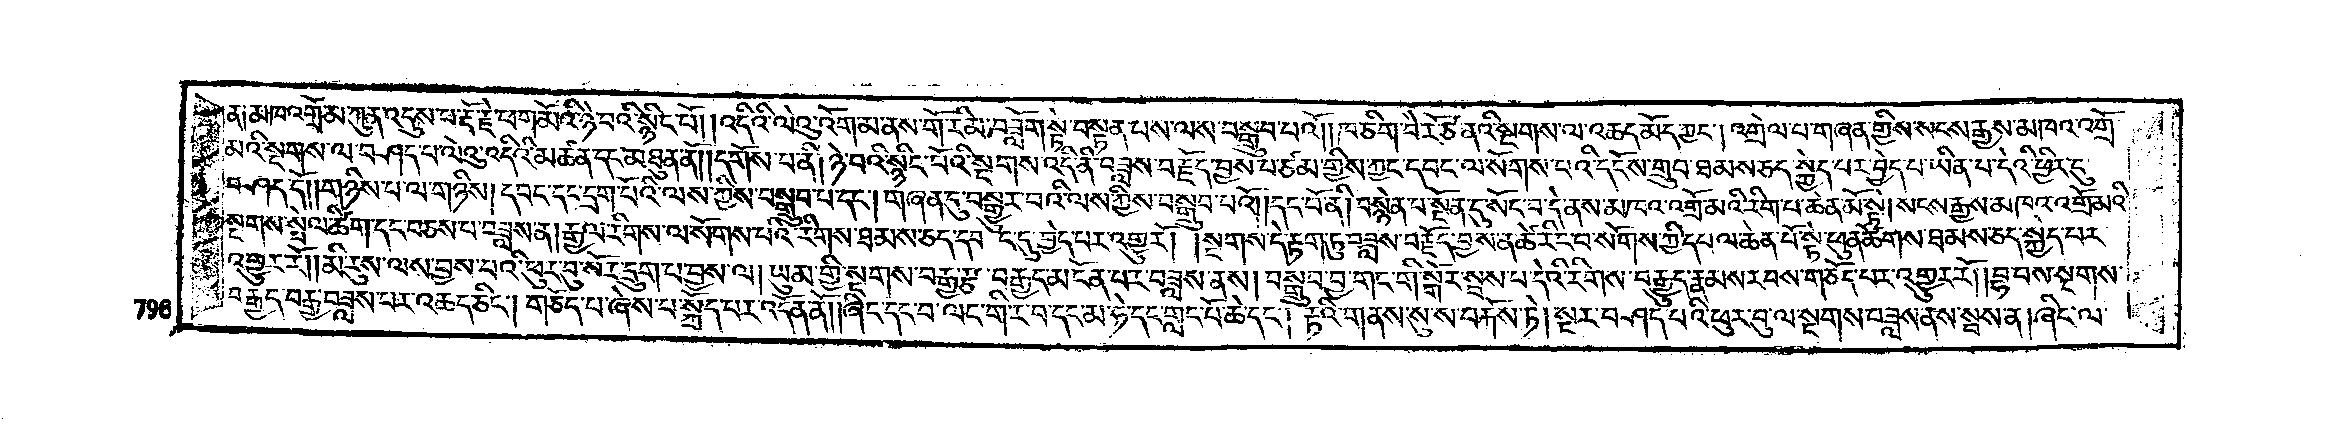ན། མཁའ་འགྲོ་མ་ཀུན་འདུས་པ་རྡོ་རྗེ་ཕག་མོའི་ཉེ་བའི་བརྒྱད་བརྒྱ་བཟླས་པར་འཆད་ཅིང་། གཅོད་པ་ཞེས་པ་སྐྲོད་པར་ལས་བསྒྲུབ་པའོ། །ཁ་ཅིག་བཻ་རོ་ཙ་ནའི་སྔགས་ལ་འཆད་མོད་ཀྱང་། འགྲེལ་པ་གཞན་གྱིས་སངས་རྒྱས་མཁའ་འགྲོ་
མའི་སྔགས་ལ་བཤད་པ་ལེའུ་འདིའི་མཚན་དང་མཐུན་ནོ། །དགོས་པ་ནི། ཉེ་བའི་སྙིང་པོའི་སྔགས་འདི་ནི་བཟླས་བརྗོད་བྱས་པ་ཙམ་གྱིས་ཀྱང་དབང་ལ་སོགས་པའི་དངོས་གྲུབ་ཐམས་ཅད་སྐྱེད་པར་བྱེད་པ་ཡིན་པ་དེའི་ཕྱིར་དུ་
བཤད་དོ། །གཉིས་པ་ལ་གཉིས། དབང་དང་དྲག་པོའི་ལས་ཀྱིས་བསྒྲུབ་པ་དང་། གཞན་དུ་བསྒྱུར་བའི་ལས་ཀྱིས་བསྒྲུབ་པའོ། །དང་པོ་ནི། བསྙེན་པ་སྔོན་དུ་སོང་བ་དེ་ནས་མཁའ་འགྲོ་མའི་རིག་པ་ཆེན་མོ་སྟེ། སངས་རྒྱས་མཁའ་འགྲོ་མའི་
སྔགས་སྤེལ་ཚིག་དང་བཅས་པ་བཟླས་ན། རྒྱལ་རིགས་ལ་སོགས་པའི་རིགས་ཐམས་ཅད་དབང་དུ་བྱེད་པར་འགྱུར་རོ། །སྔགས་དེ་རྟག་ཏུ་བཟླས་བརྗོད་བྱས་ན་ཚེ་རིང་བ་སོགས་ཀྱི་དཔལ་ཆེན་པོ་སྟེ་ཕུན་ཚོགས་ཐམས་ཅད་སྐྱེད་པར་
འགྱུར་རོ། །མི་རུས་ལས་བྱས་པའི་ཕུར་བུ་སོར་དྲུག་པ་བྱས་ལ། ཡུམ་གྱི་སྔགས་བརྒྱ་རྩ་བརྒྱད་མངོན་པར་བཟླས་ནས། བསྒྲུབ་བྱ་གང་གི་སྒོར་སྦས་པ་དེའི་རིགས་བརྒྱུད་རྣམས་རབས་གཅོད་པར་འགྱུར་རོ། །བྷ་བས་སྔགས་
བརྒྱད་བརྒྱ་བཟླས་པར་འཆད་ཅིང་། གཅོད་པ་ཞེས་པ་སྐྲོད་པར་འདོན་ནོ། །ཞིང་དང་བ་ལང་གི་ར་བ་དང་མ་ཧེ་དང་གླང་པོ་ཆེ་དང་། རྟའི་གནས་སུ་ས་བརྐོས་ཏེ། སྔར་བཤད་པའི་ཕུར་བུ་ལ་སྔགས་བཟླས་ནས་སྦས་ན། ཞིང་ལ་